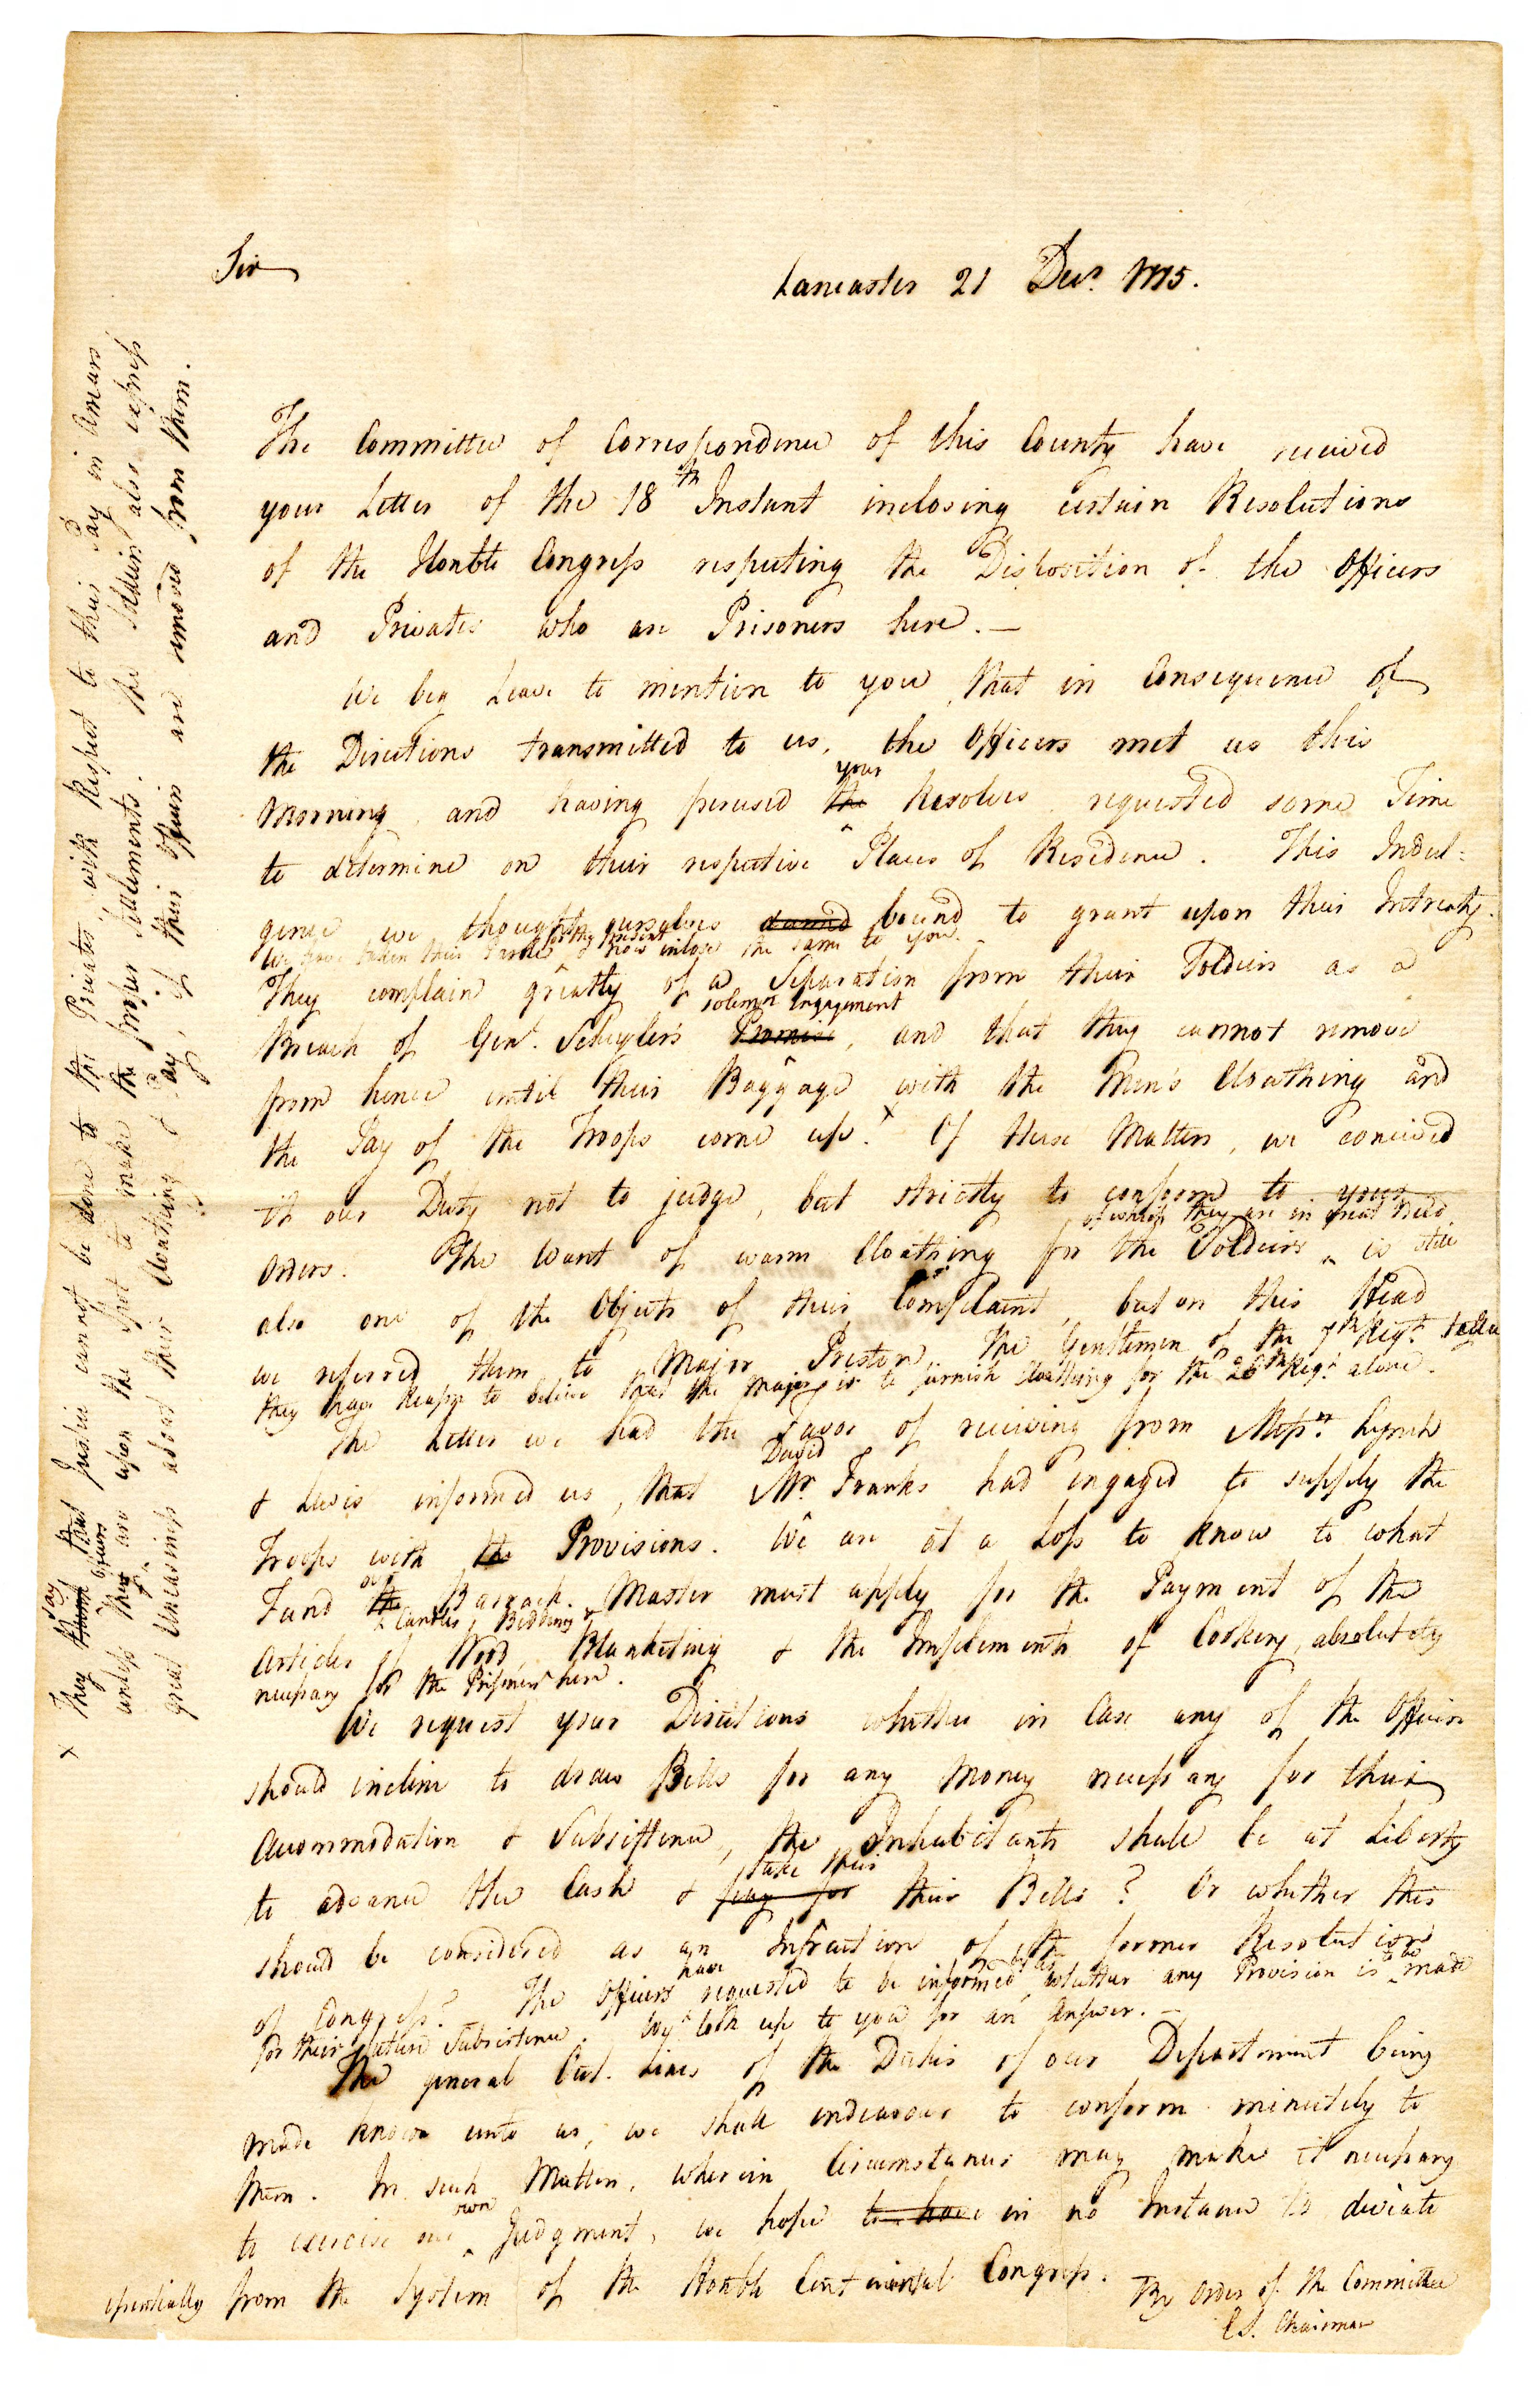Lancaster 21 Dec^r. 1775.
Sir
The Committee of Correspondence of this County have received
your Letter of the 18^th Instant inclosing certain Resolutions
of the Honble Congress respecting the Disposition of the Officers
and Privates who are Prisoners here.
We beg Leave to mention to you that in Consequence of
the Directions transmitted to us, the Officers met us this
your
Morning and having perused the ^ Resolves requested some Time
to determine on their respective Places of Residence. This Indul-
gence, we thought ourselves damnd bound to grant upon their Intreaty.
We have taken their Parle ^ how inclose the same to you.
They complain greatly of a Separation from their Soldiers as a
solemn Engagement
Breach of Gen^l. Schuylers Promise ^, and that they cannot remove
from hence until their Baggage with the Men's Usathing and
the Pay of the Troops come up. Of these Matters we conceived
it our Duty not to judge, but strictly to conform to your
of whose they are in great Need
Orders. The want of warm Clothing for the Soldiers ^ is still
also one of the Objects of their Complaint but on this Head
we referred them to Major Preston. The Gentlemen of the 7th Reg^t. tell a
they have Reason to believe that the Major is to furnish Cloathing for the 26^th. Reg^t. alone.
The Letter we had the favor of receiving from Mess^rs. Lynch
David
& Davis informed us, that M^r. ^ Frarks had engaged to supply the
Troops with the Provisions. We are at a Loss to know to what
our
Fund the ^ Barrack Master must apply for the Payment of the
Candles Bedding
Articles of Wood, ^ Blanketing & the Implements of Corkery, absolutely
necessary for the Prisoner here.
We request your Directions whether in Case any of the Officers
should incline to draw Betts for any Money necessary for that
Accommodation & Subscription, the Inhabitants shall be at Liberty
take their
to advance the cash & pay for their Bills? Or whether this
should be considered as an Infraction of the former Resolution
have
by as
to be
of Congress? The Officers ^ requested to be informed ^ whether any Provision is ^ made
for their future Subsistence. We look up to you for an Answer.
The general Curt. Lines of the Dishes of our Department being
made known unto as we shall endeavour to conform minutely to
them. In such Matter, wherein Circumstances may make it necessary
to conceive one ^ Judgment, we hope to have in no Instance to deviate
opentially from the System of the Honble Continental Congress.
By order of the Committee
CS. Chairman
say
They think ^ that Justice cannot be done to the Privates with Respect to their Pay in Arrears
Officers
unless this ^ are upon the Spot to make the proper Settlements. The Soldiers also express
great uneasiness about their Cloathing & Pay, if their Officers are removed from them.